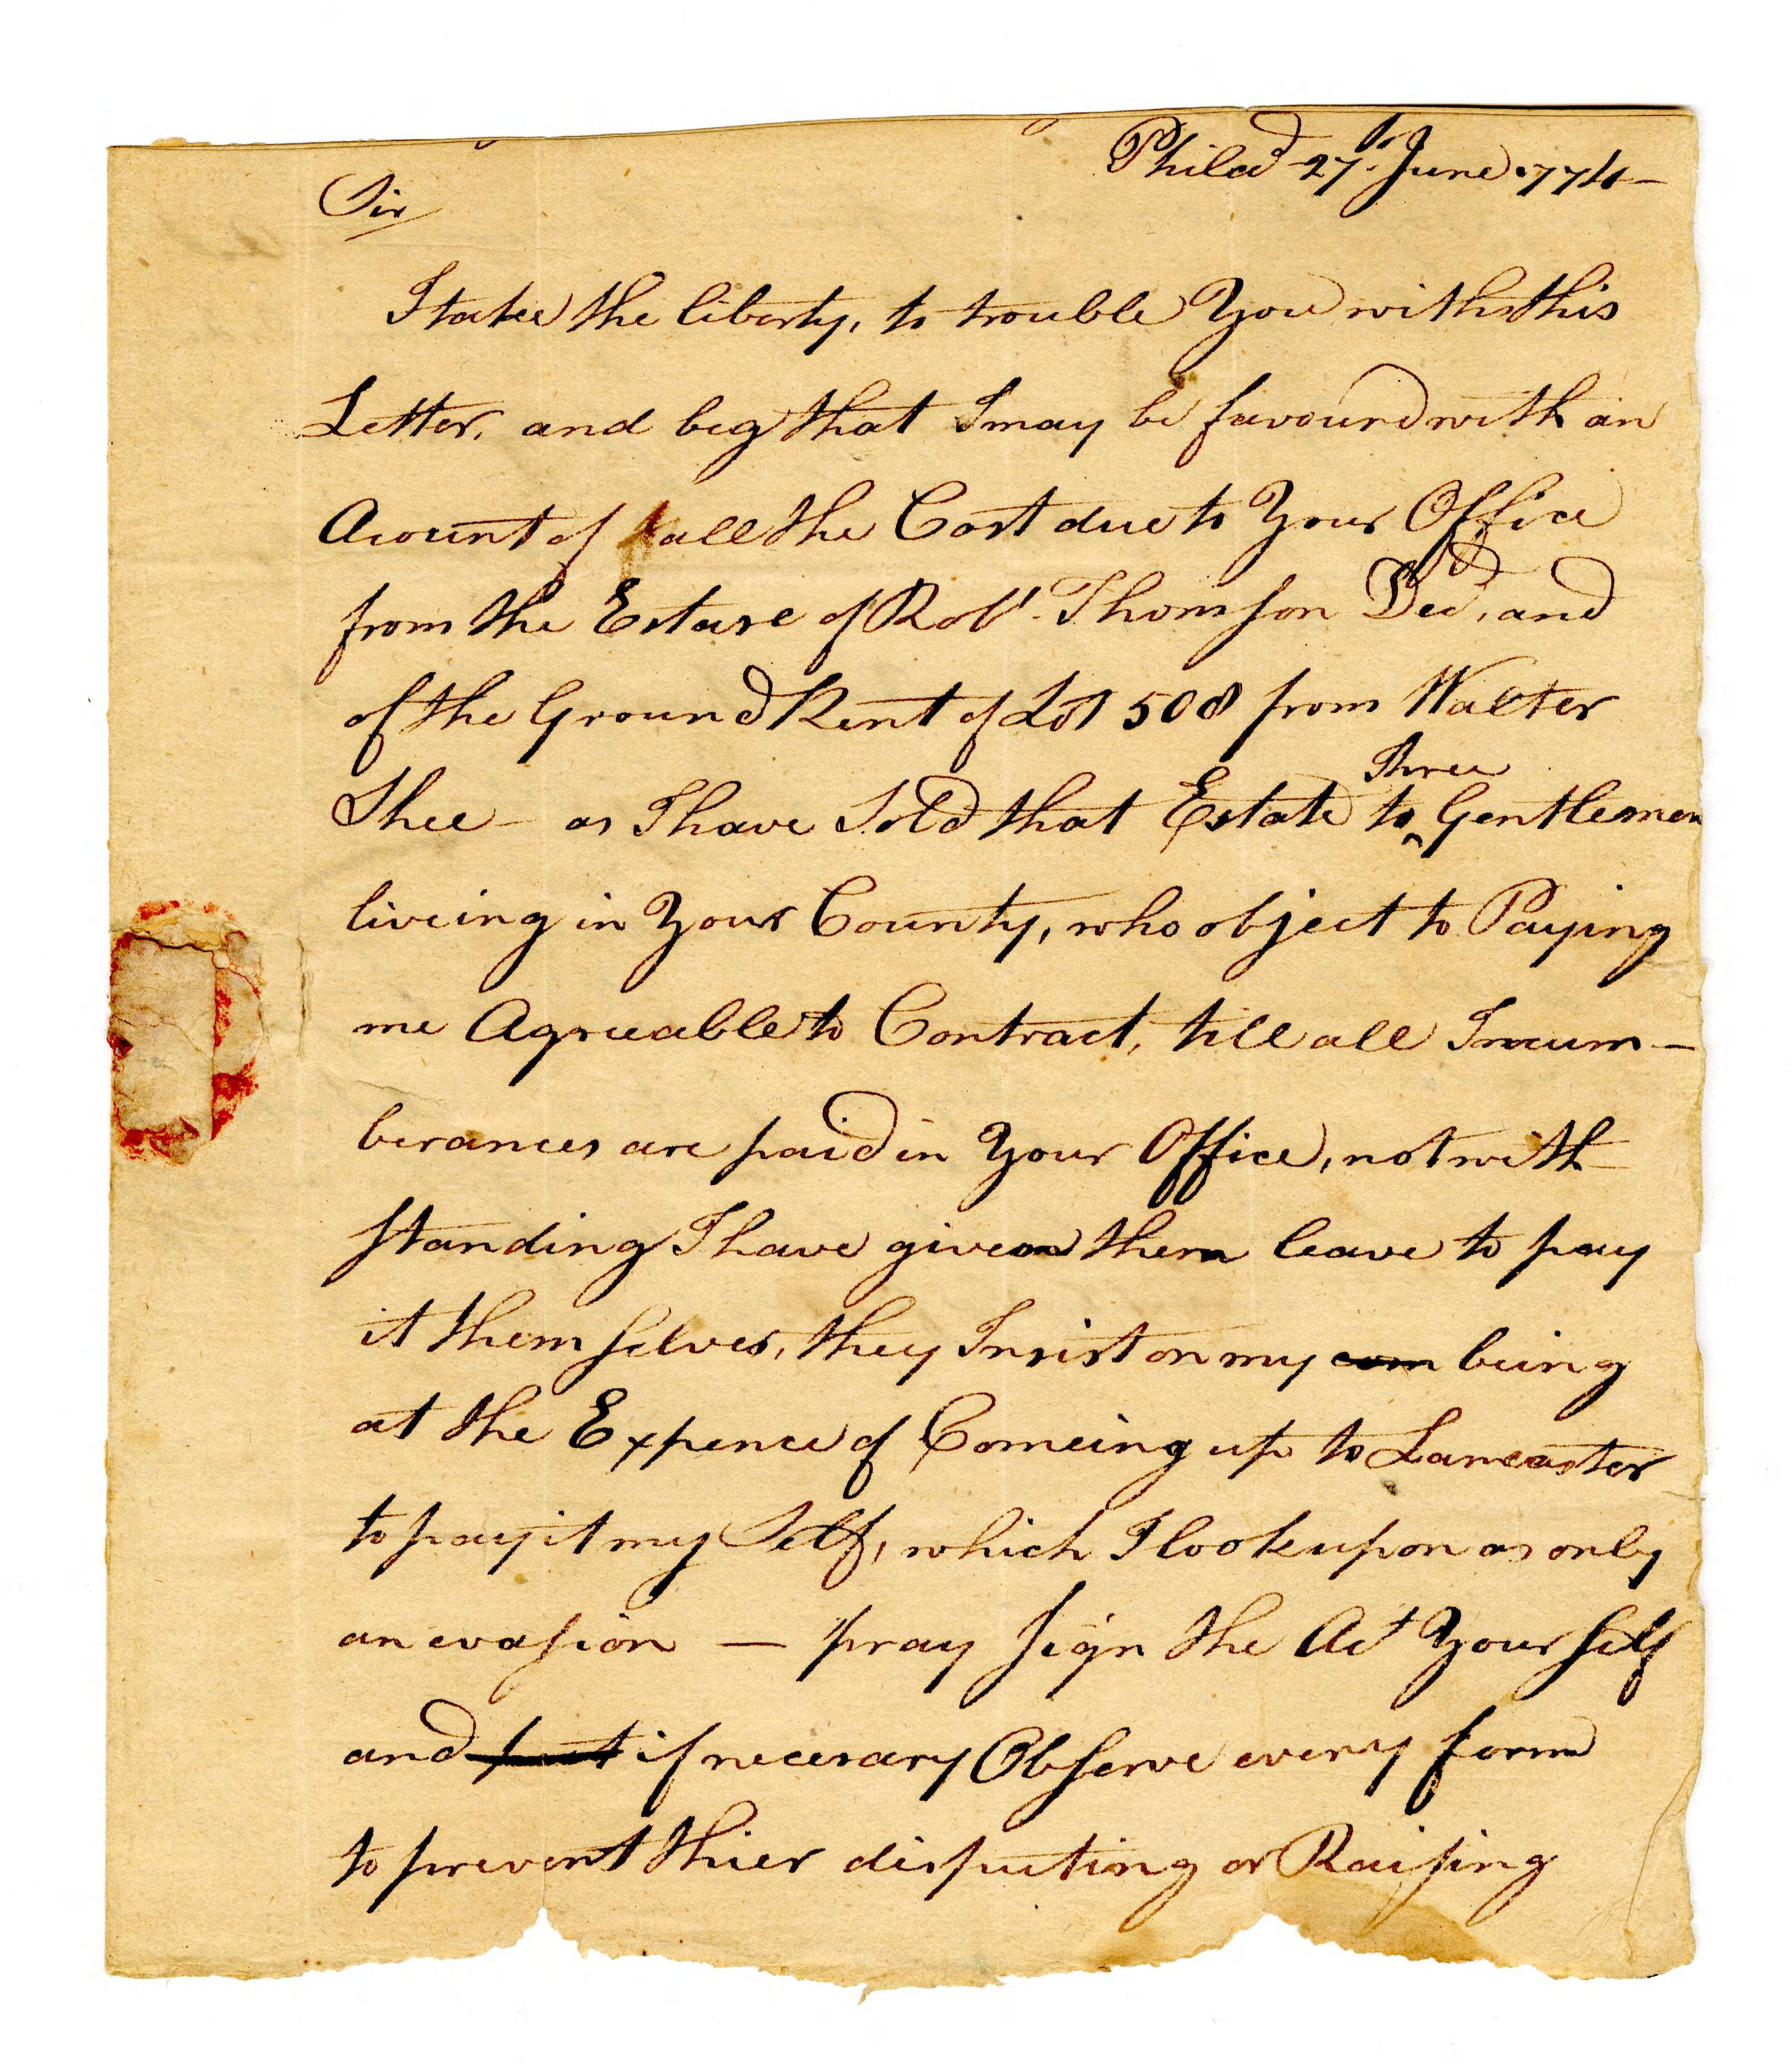Phila^d 27.^th June 1774
Sir
I take the liberty, to trouble You with this
Letter, and beg that I may be favourd with an
Acount of all the Cost due to Your Office
from the Estate of Rob^t. Thomson Dec^d, and
of the Ground Rent of Lot 500 from Walter
three
Shee- as I have sold that Estate to ^ Gentlemen
liveing in your County, who object to Paying
me Agreeable to Contract, till all Incum-
berances are paid in Your Office, not with-
standing I have given them leave to pay
it them selves, they Insist on my [com] being
at the Expence of Comeing up to Lancaster
to pay it my Self, which I look upon as only
an evasion- pray sign the Ac^t Your Self
and [___] if necesary Observe every form
to prevent thier distructing or Raising